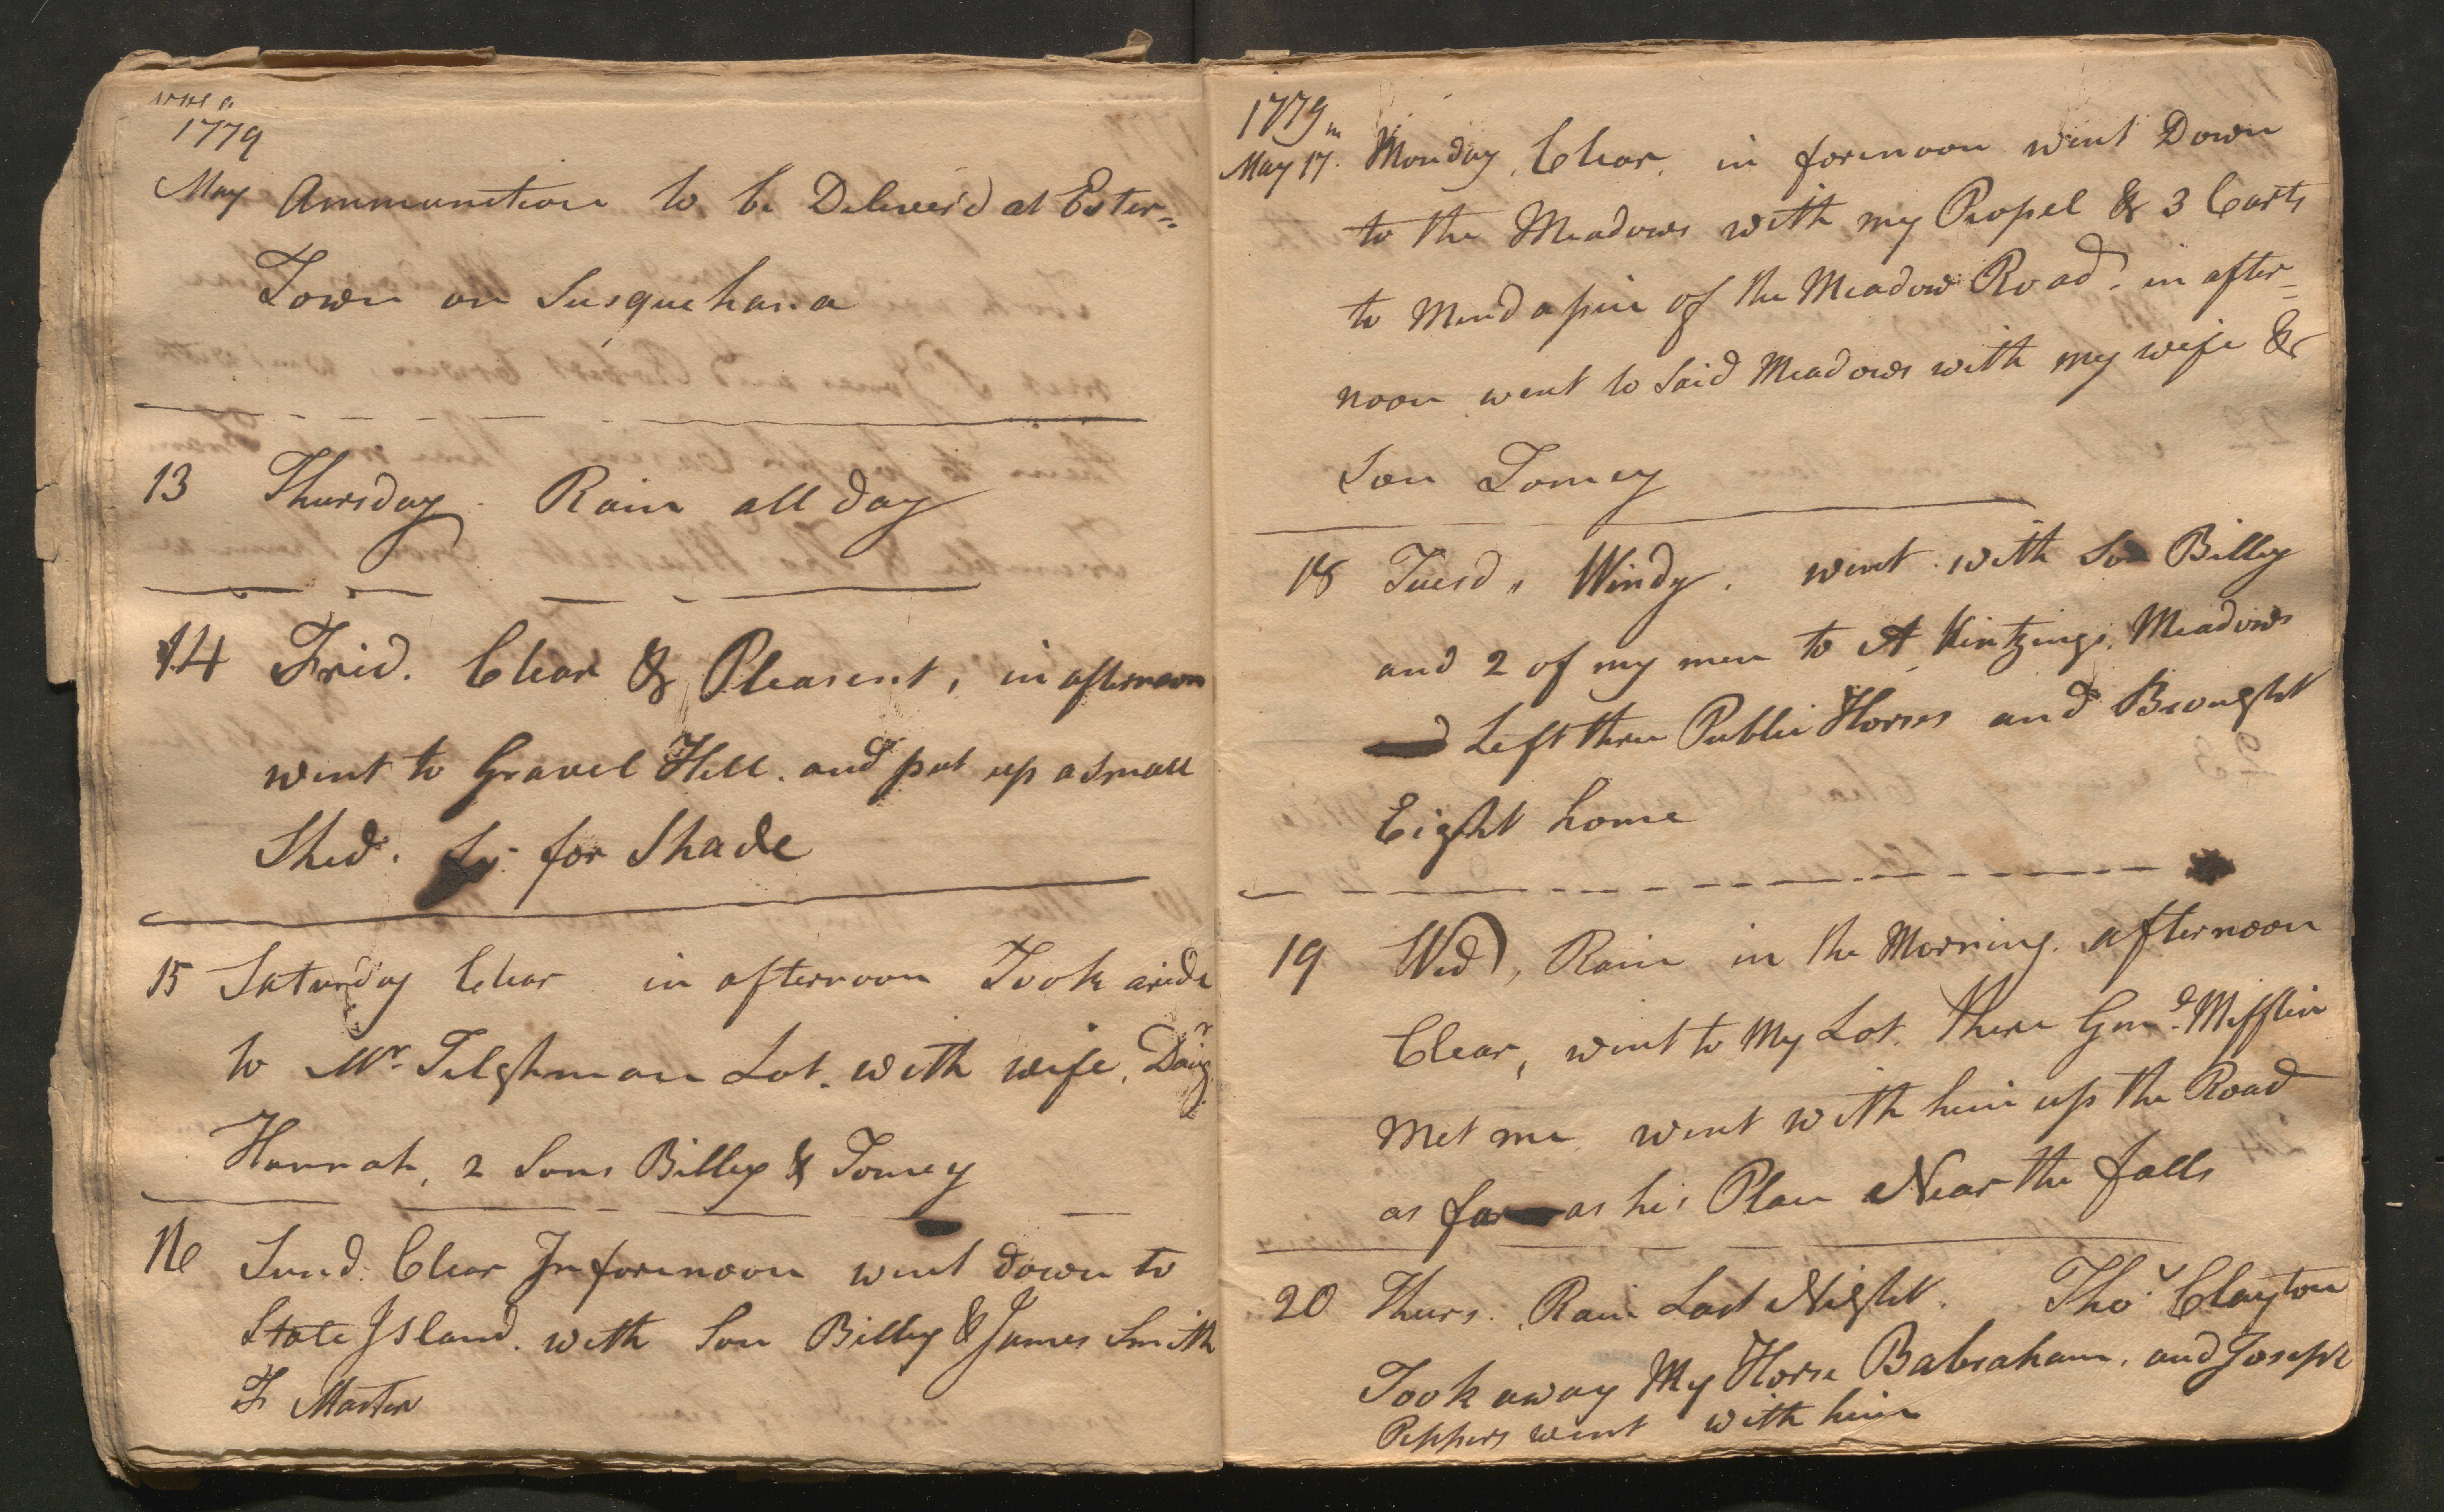1779
May Ammunition to be Deliver'd at Ester-
Town on Susquehana
13 Thursday. Rain all day
14 Frid. Clear & Pleasent, in afternoon
went to Gravel Hill. and put up a small
Shed. [__] for Shade
15 Saturday Celear in aftermoon Took a ride
to M^r. Tilghman Lot. with wife Daug^r.
Hannah, 2 Sons Billy & Tonrey
16 Sund Clear In forenoon went down to
State Island with Son Billey & James Smrith
F Marten
1779
May 17^th. Monday Clear, in forenoon went Down
to the Meadews with my Propel & 3 Carts
to Mend a pice of the Meadow Road. in after
noon went to said Meadows with my wife &
Son Tomey
15 Tuesd. Windy. went with Son Billey
and 2 of my men to A Kintzings Meadows
[___] Left them Public Hores and Brought
Eight home
19 Wedd, Rain in the Morning afternoon
Clear, went to My Lot. These Gen^l. Mifflin
Met me went with him up the Road
as far as his Place Near the falls
20 Thurs. Raw Last Night. Tho^s. Clayton
Took away My Horse Babraham, and Joseph
Peppers went with him